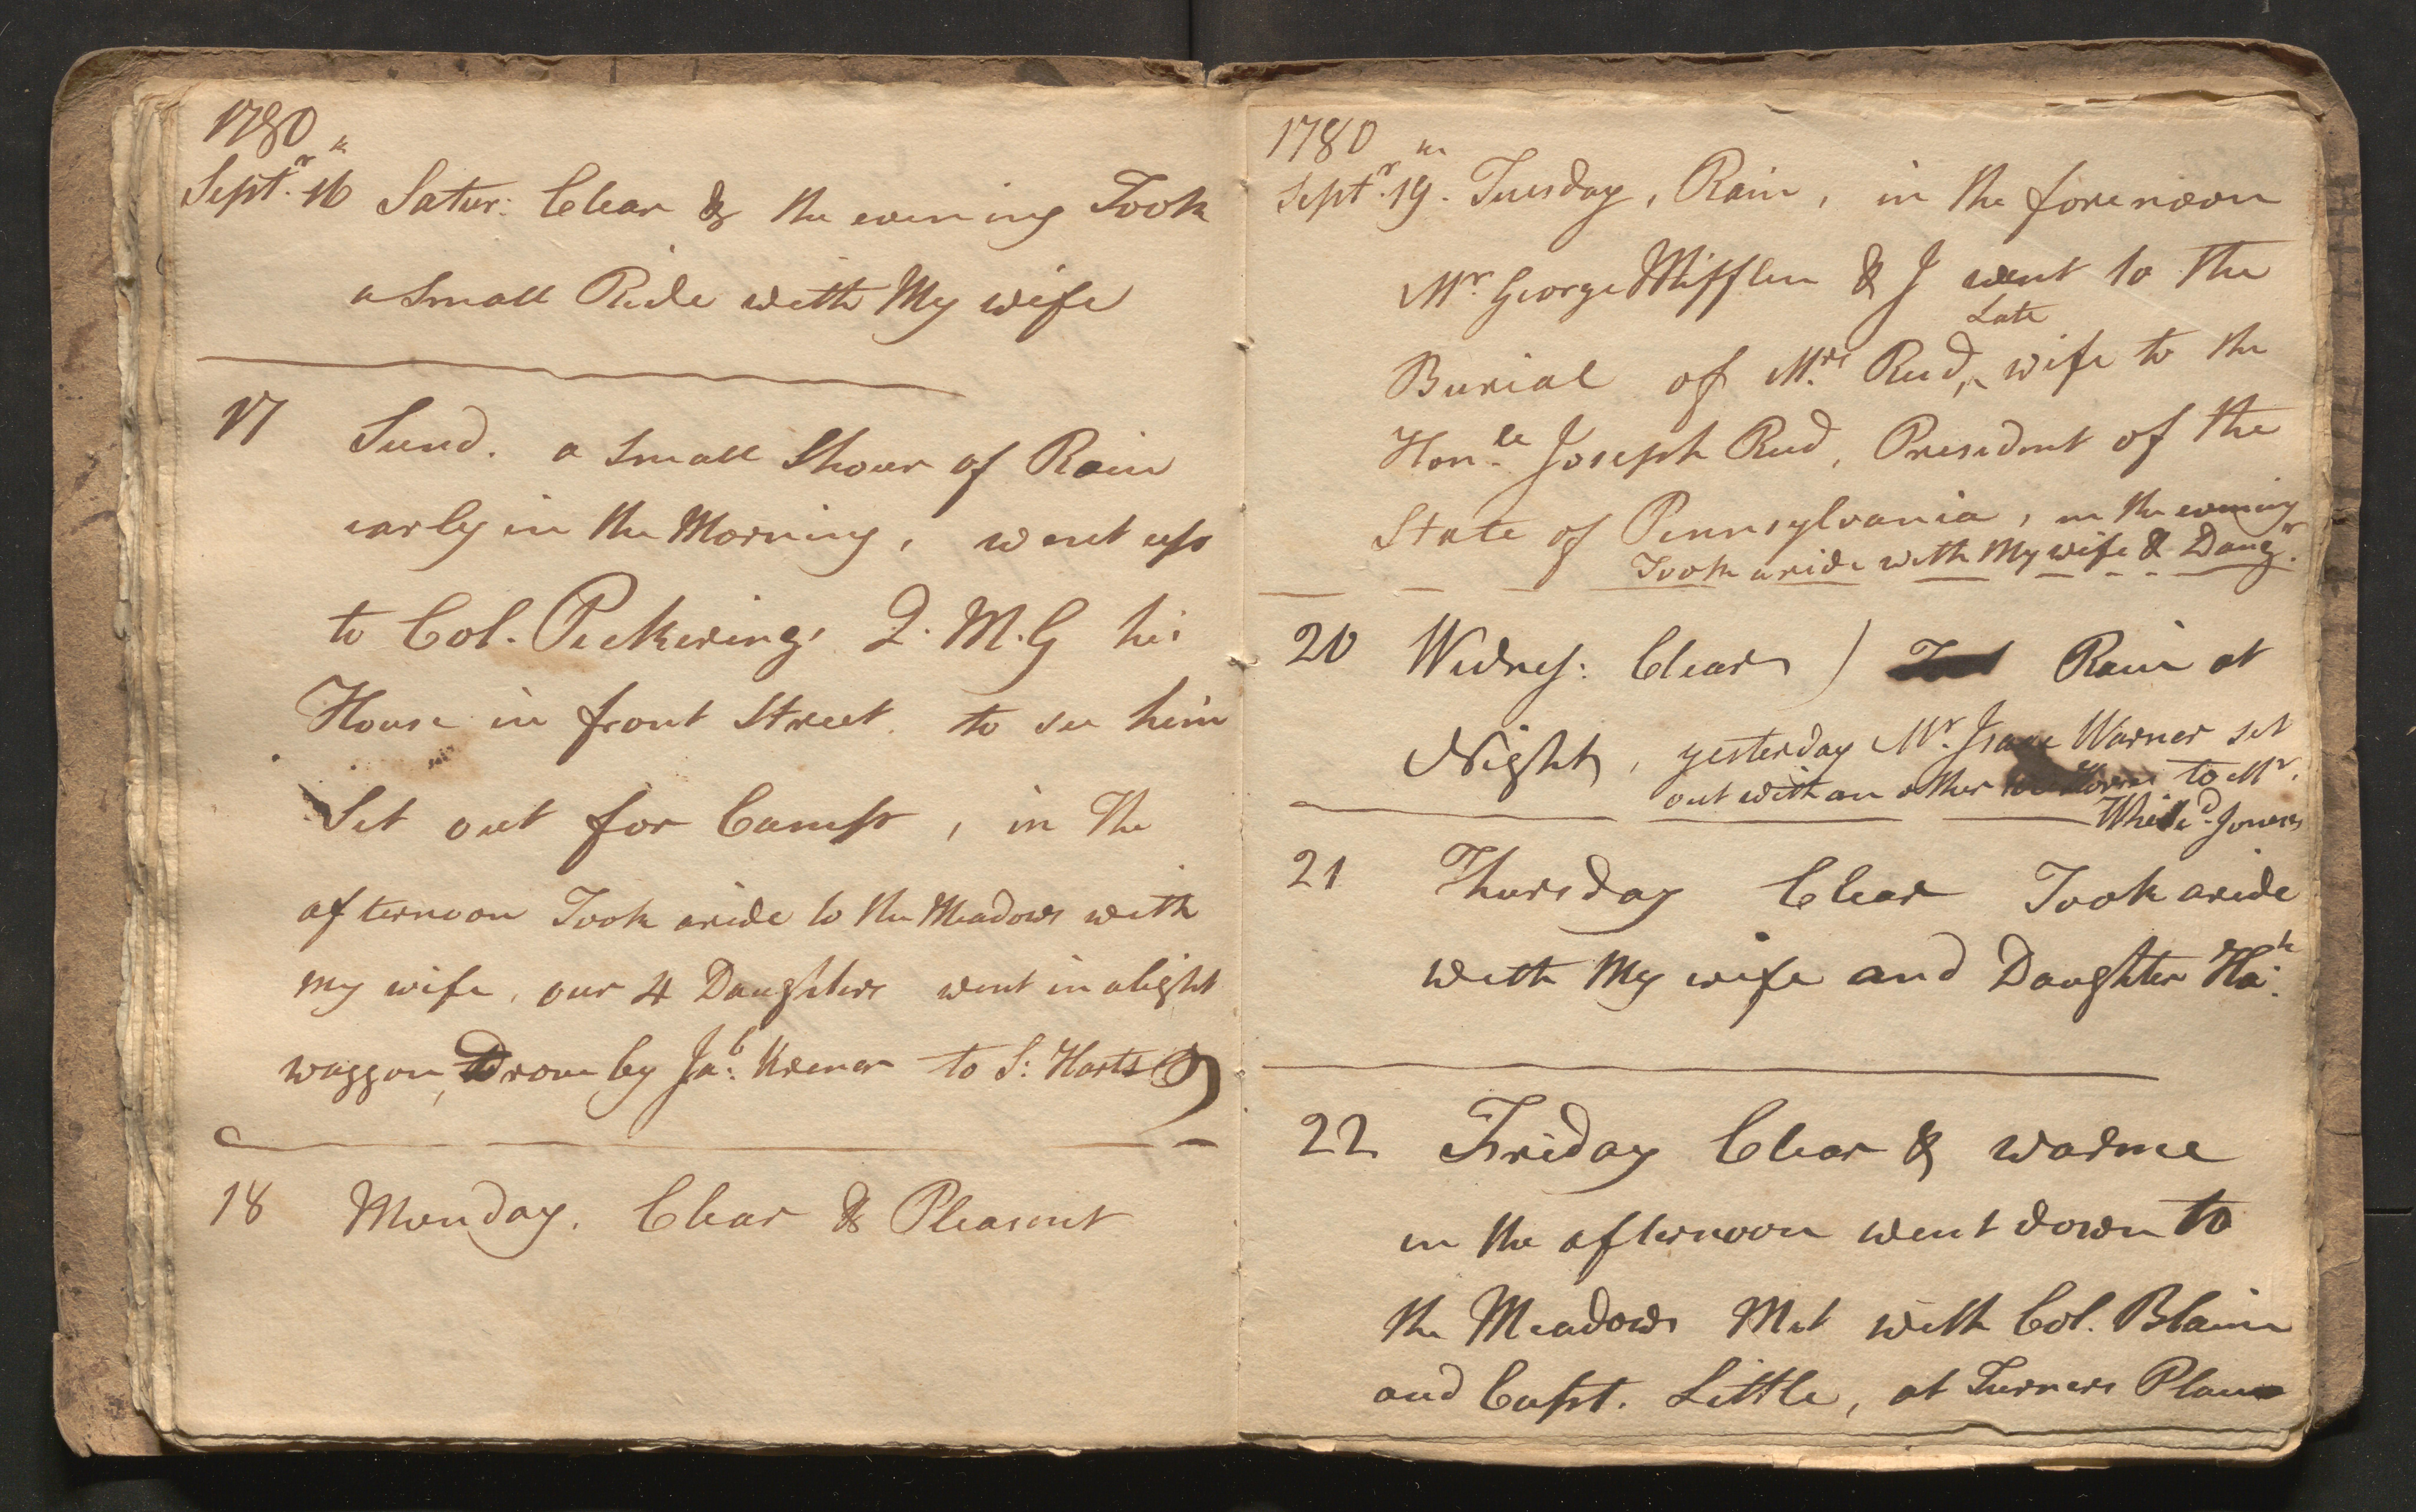1780
Sept^r. 16^th Satur. Clear & the evening Took
a small Ride with My wife
17 Sund. a small Shour of Rain
early in the Mornig, went up
to Col. Pickerings Q. MG. his
House in front Street, to see him
Set out for Camp, in The
afternoon Took a ride to the Meadows with
my wife, our 4 Daughters went in a light
waggon Drove by Ja^b. Keiner to S: Harts
18 Monday. Clear & Pleasent
1780
Sept^r. 19^th. Tuesday, Rain, in the forenoon
M^r. George Mifflin & I went to the
Late
Burial of M^rs. Reed ^ wife to the
Hon^le. Joseph Reed President of the
State of Pennsylvania, in the evening
Took a ride with My wife & Daug^r.
20 Wednes. Clear / [___] Rain at
Night, yesterday M^r. Isaac Warner set
out with an other 100 Horses to M^r
White^d. Joneres
21 Thursday Clear Took a ride
with My wife and Daughter Ha^h:
22 Friday Clear & warme
in the afternoon went down to
the Meadows Met with Col. Blaine
and Capt. Little, at Turners Plan